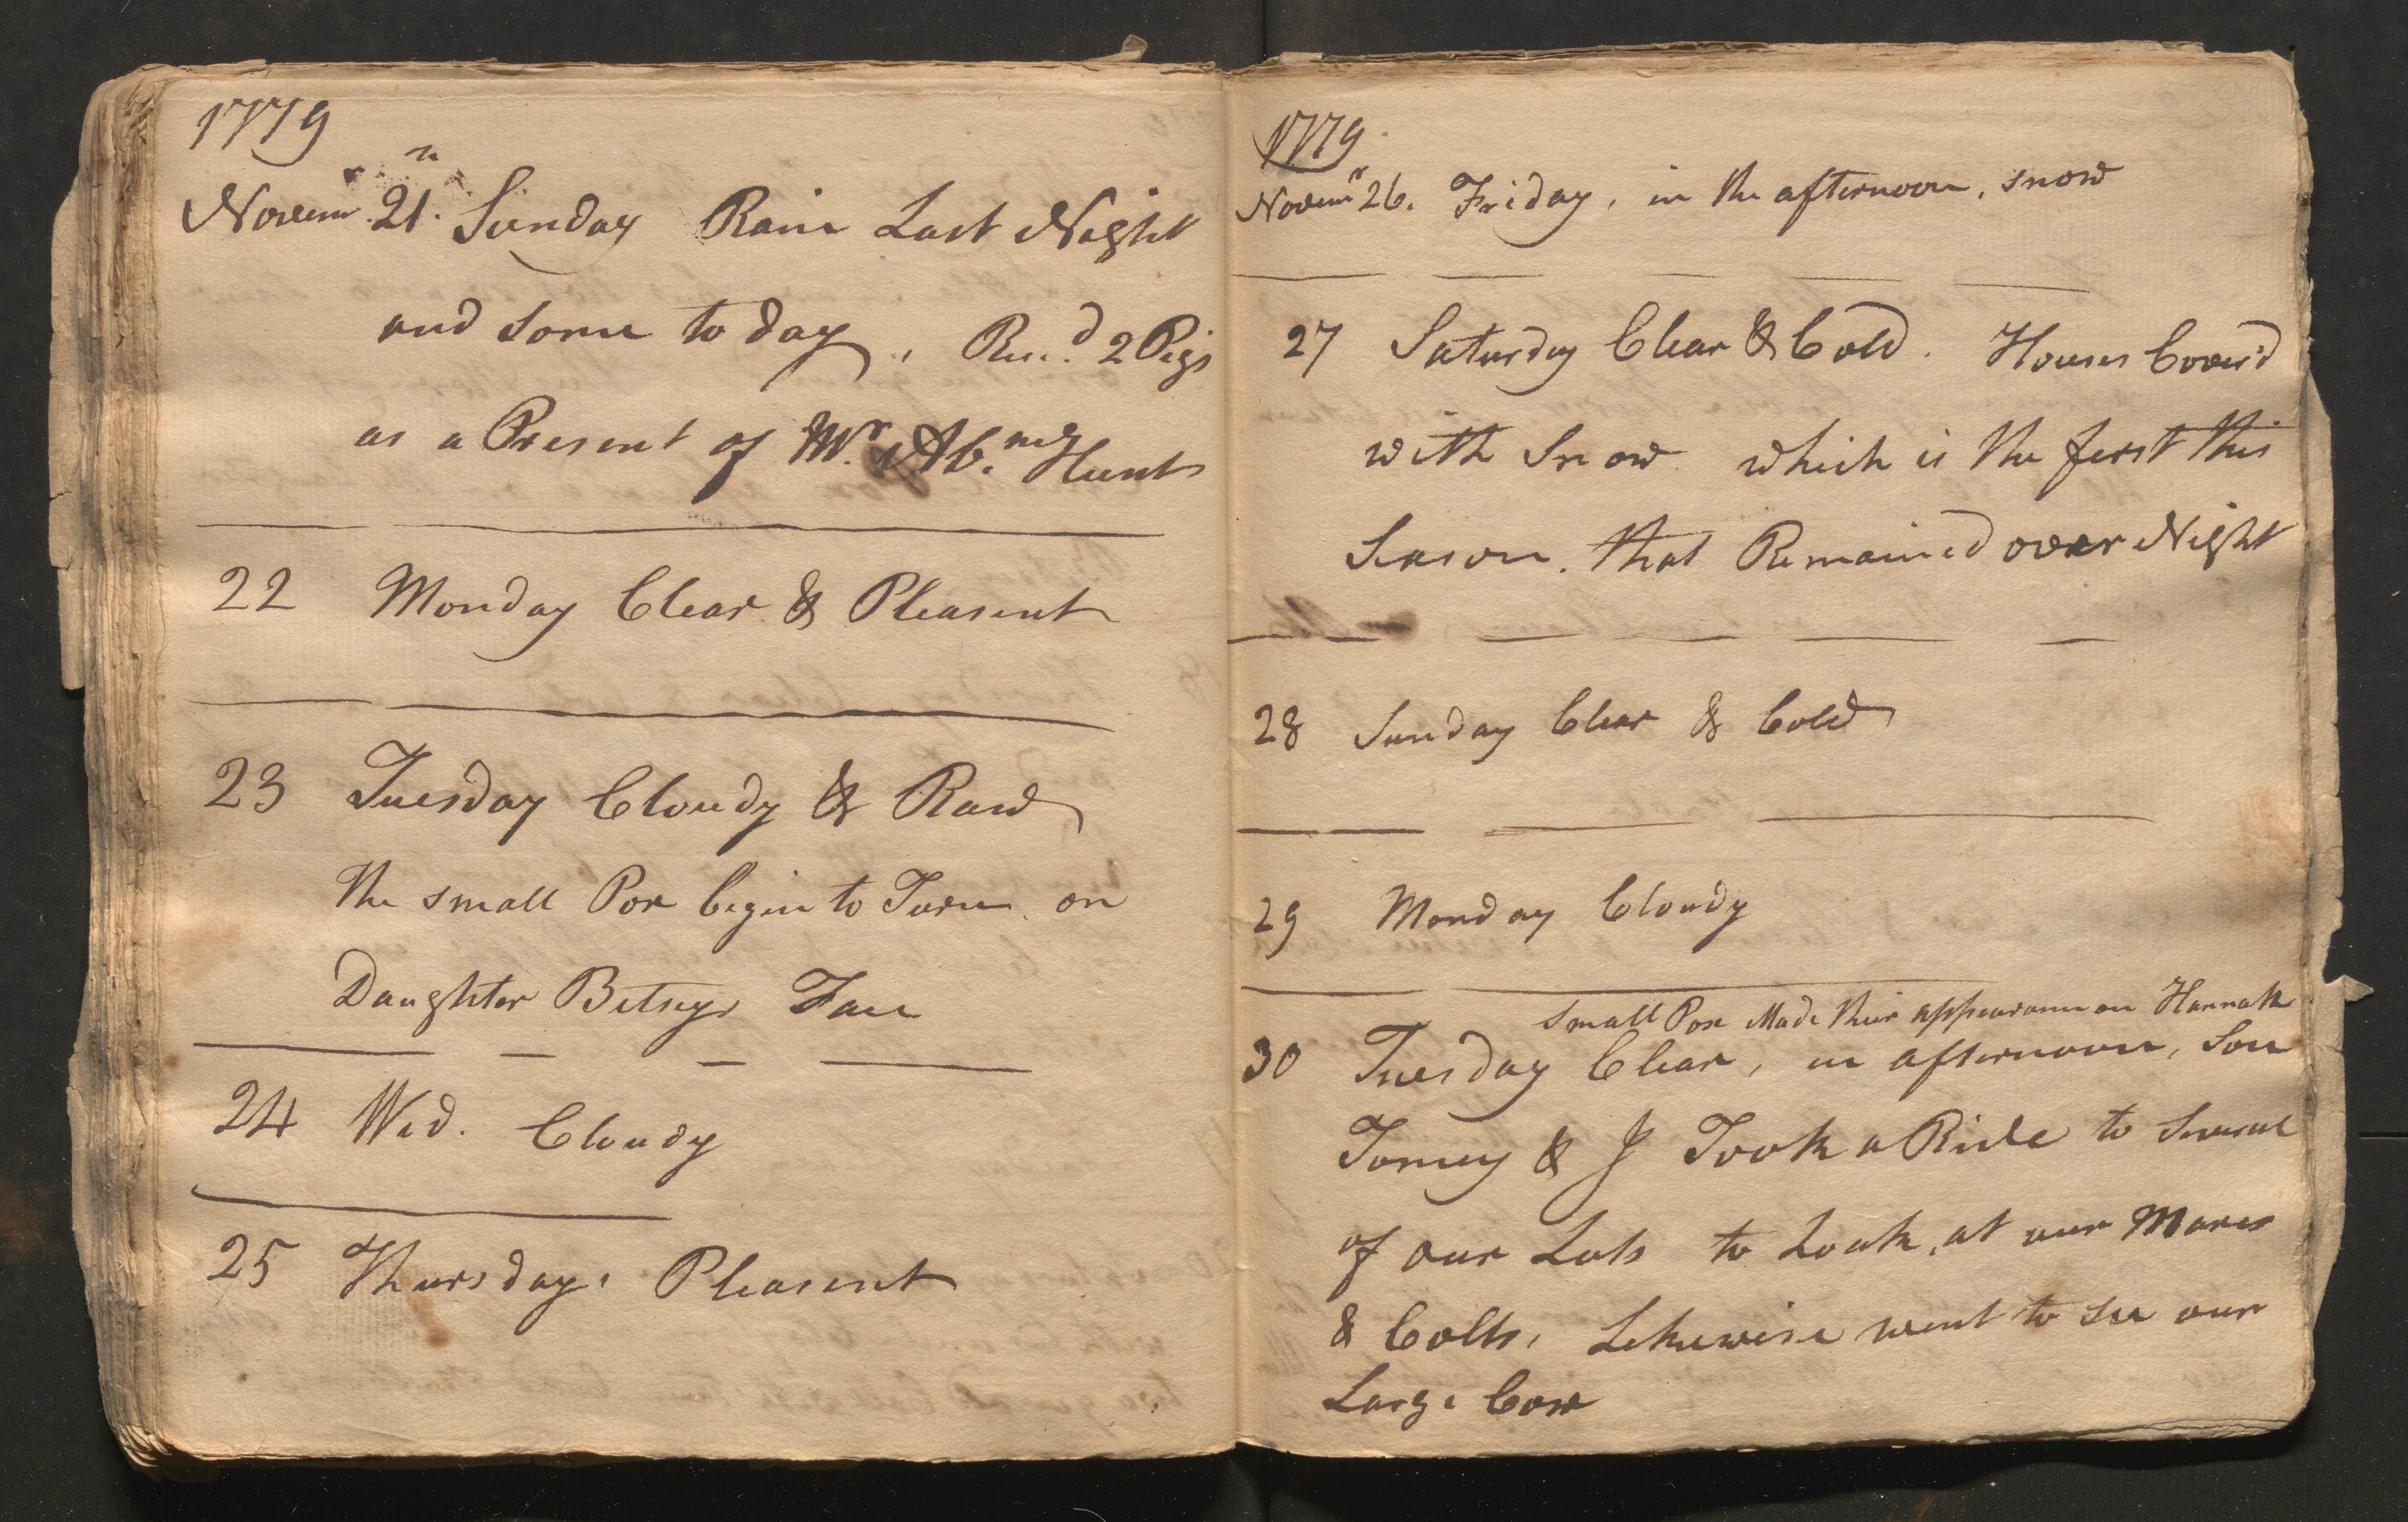1779
Novem^r. 21^st. Sunday Rain Last Night
and some to day, Rec^d 2 Pigs
as a Present of M^r. Ab^m. Hunt
22 Monday Clear & Pleasent
23 Tuesday Cloudy & Raw
The small Pox begin to Turn on
Daughter Betseys Face
24 Wed. Cloudy
25 Thursday. Pleasent
1779
Novem^r 26. Friday, in the afternoon, snow
27 Saturday Clear & Cold. Houses Cover'd
with Snow which is the first this
Season. that Remained over Night
28 Sunday Clear & Cold
29 Monday Cloudy
Small Pox Made their appearance on Hannah
30 Tuesday Clear, in afternoon, Son
Tomey & I Took a Ride to Several
of our Lots to Look at our Mares
& Colts, Likewise went to see our
Large Cow